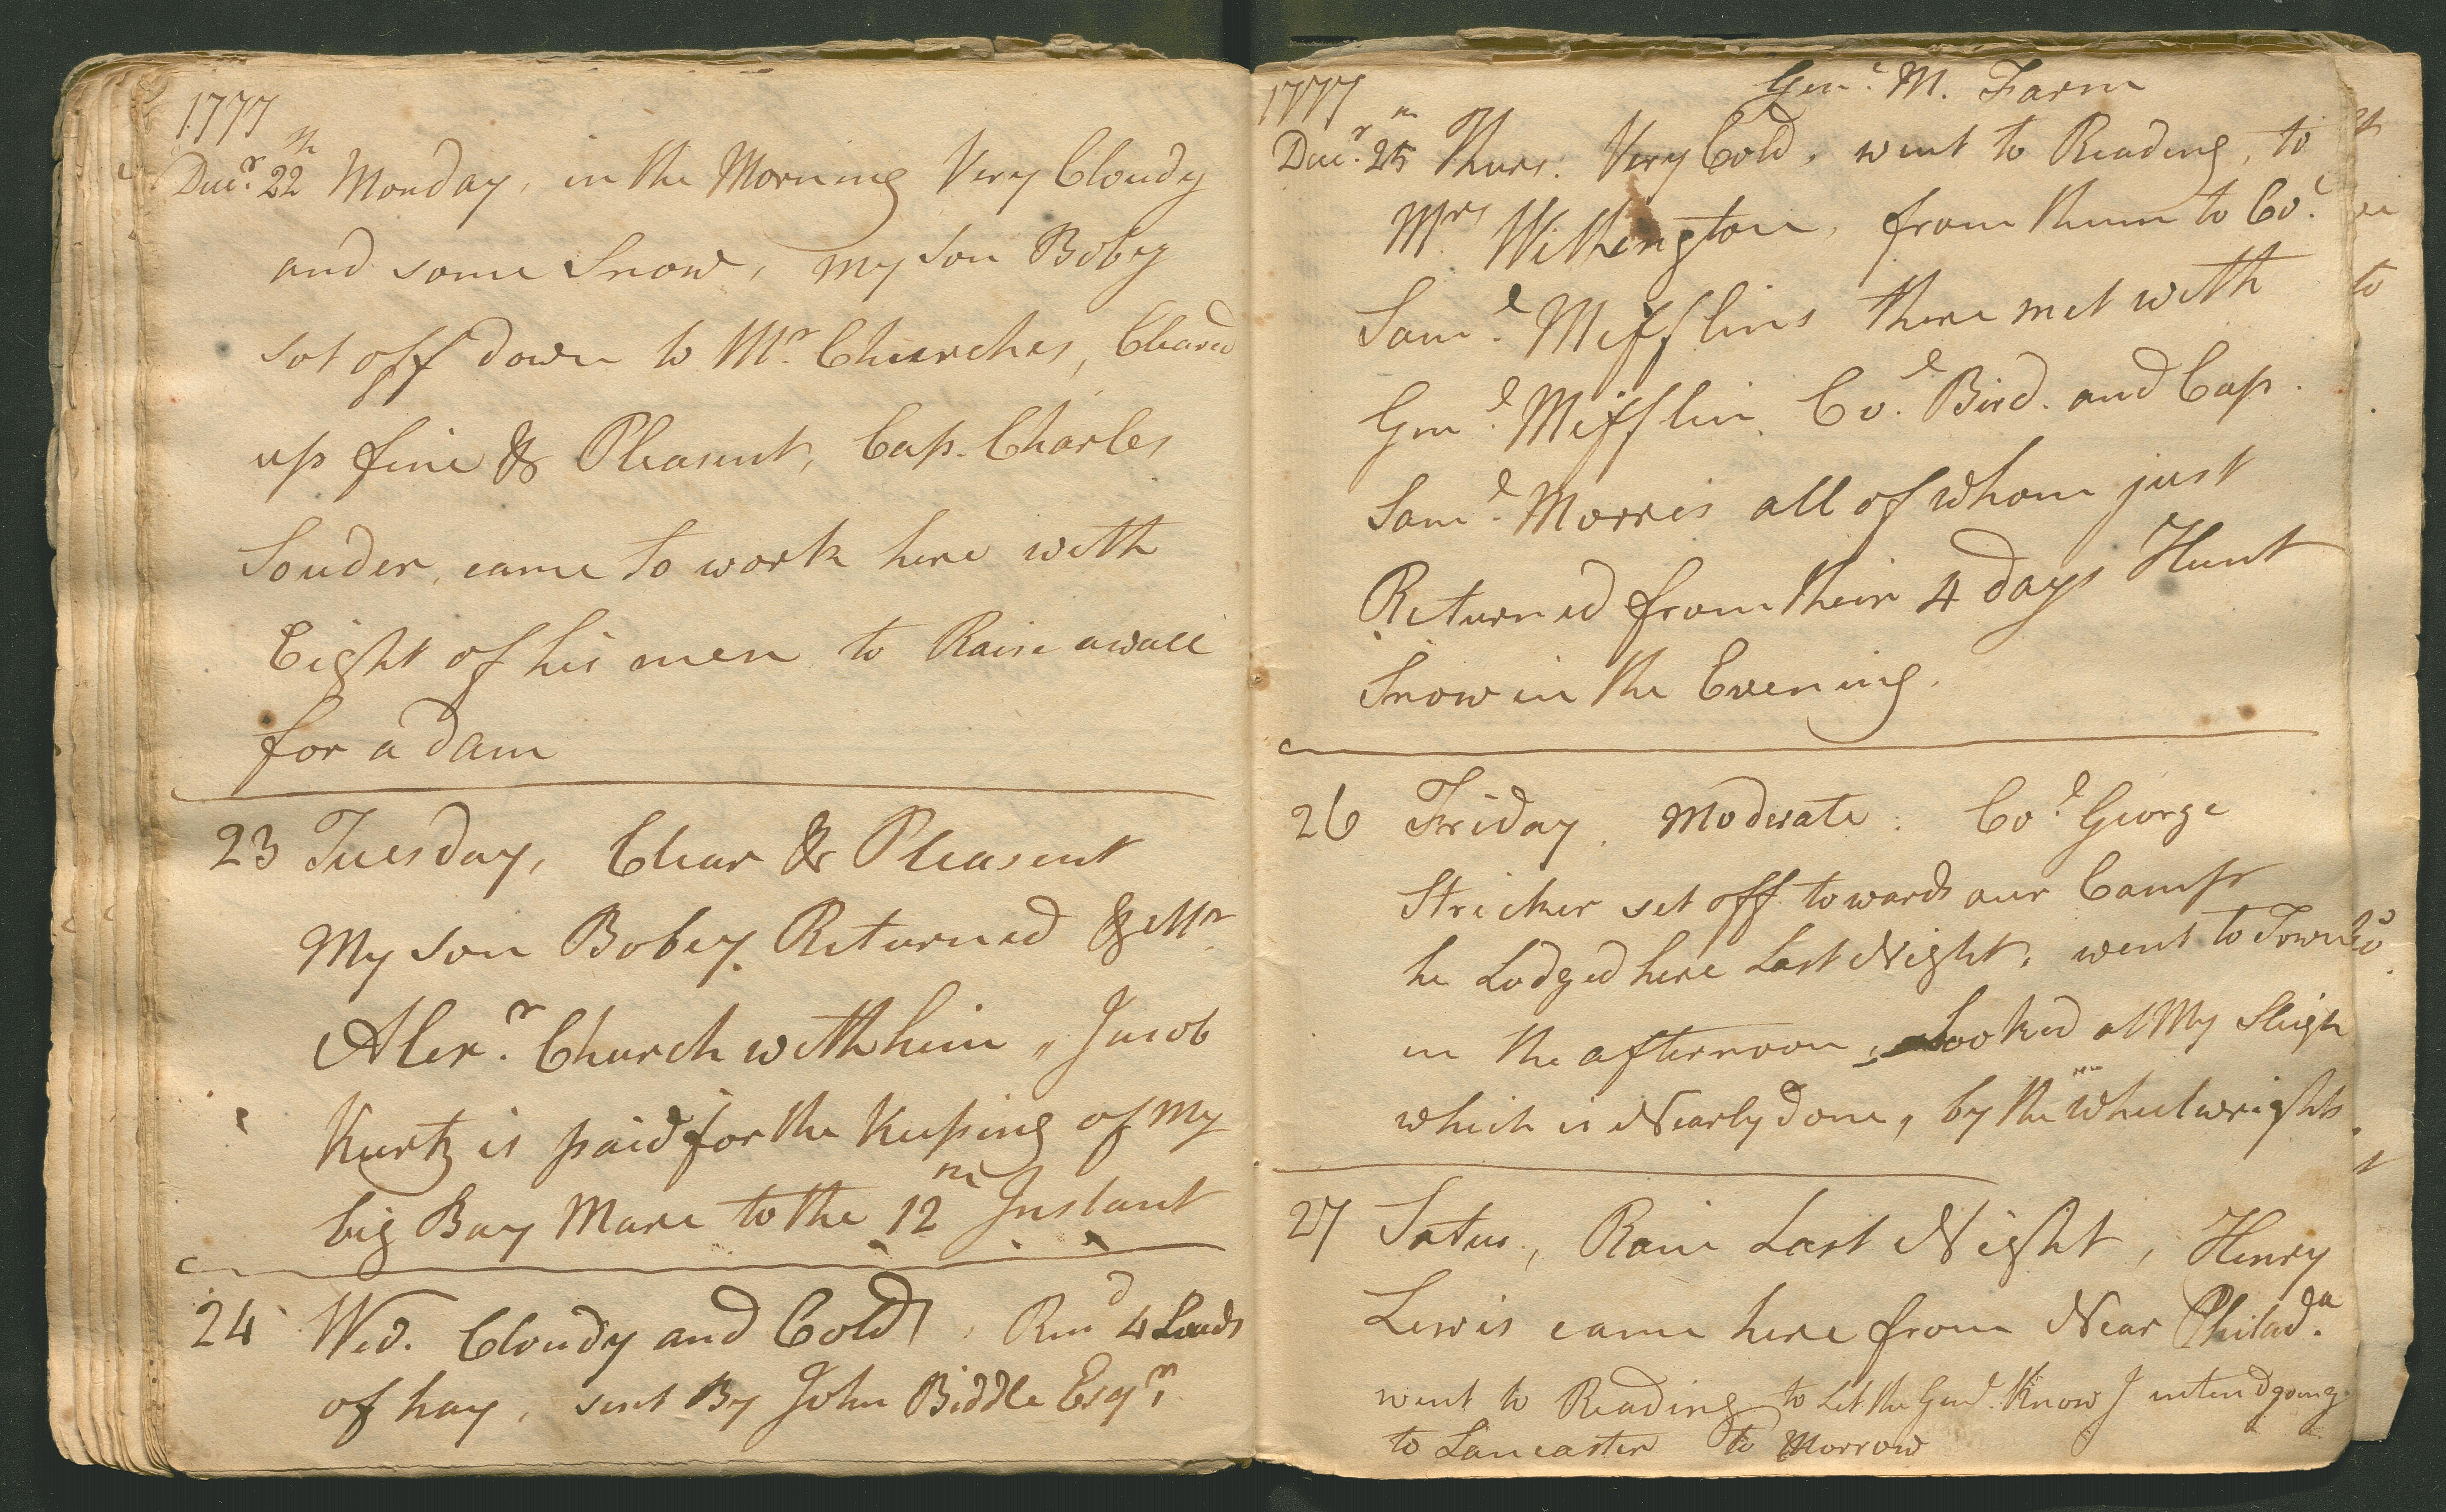1777
Dece^r. 22^th Monday, in the Morning Very Cloudy
and some snow, My son Bobey
set off down to M^r. Churches, Cleared
up fine & Pleasent, Cap. Charles
Souder, came to work here with
Eight of his men to Raise a wall
for a dam
23 Tuesday, Clear & Pleasent
My son Bobey Returned & M^r.
Alex^r. Church with him, Jacob
Kurtz is paid for the Keeping of My
beg Bay Mare to the 12^th Instant
24 Wed. Cloudy and Cold, Rec^d 4 Loads
of hay. sent By John Biddle Esq^rs.
1777
Gen^l. M. Farm
Dece^r. 25 Thurs. Very Cold. went to Reading, to
M^rs. Withington, from thence to Co^l.
Sam^l. Mefflins there met with
Gen^l. Mifflin Co^l. Bird. and Cap.
Sam^l. Morris all of whom just
Returned from them 4 days Hunt
Snow in the Evening
26 Friday Moderate. Co^l. George
Stricker set off towards our Camps
he Lodged here Last Night, went to Town
in the afternoon, Looked at My Sleigh
which is a Nearly done, by the Wheelwrights
27 Satur., Rain Last Night, Henry
Lewis came here from Near Philad^a.
went to Reading to Let the Gen^l. Know I intend going
to Lancaster to Morrow